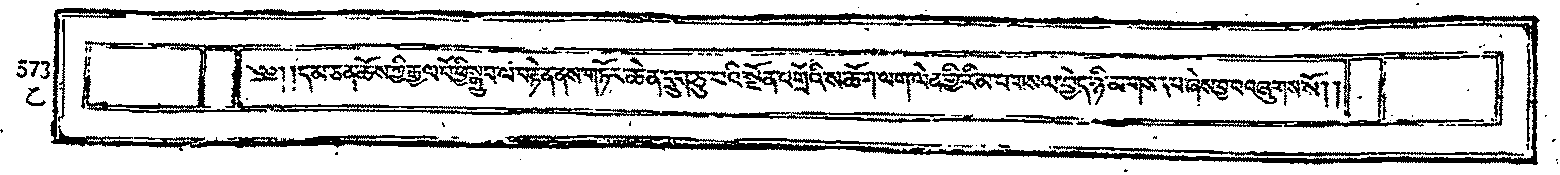༄༅། །དམ་ཅན་ཆོས་ཀྱི་རྒྱལ་པོ་ཕྱི་སྒྲུབ་ལ་བརྟེན་ནས་གཏོར་ཆེན་དྲུག་ཅུ་པའི་སྔོན་འགྲོའི་ས་ཆོག་ལག་ལེན་གྱི་རིམ་པ་གསལ་བྱེད་ཉི་མ་གསར་པ་ཞེས་བྱ་བ་བཞུགས་སོ། །